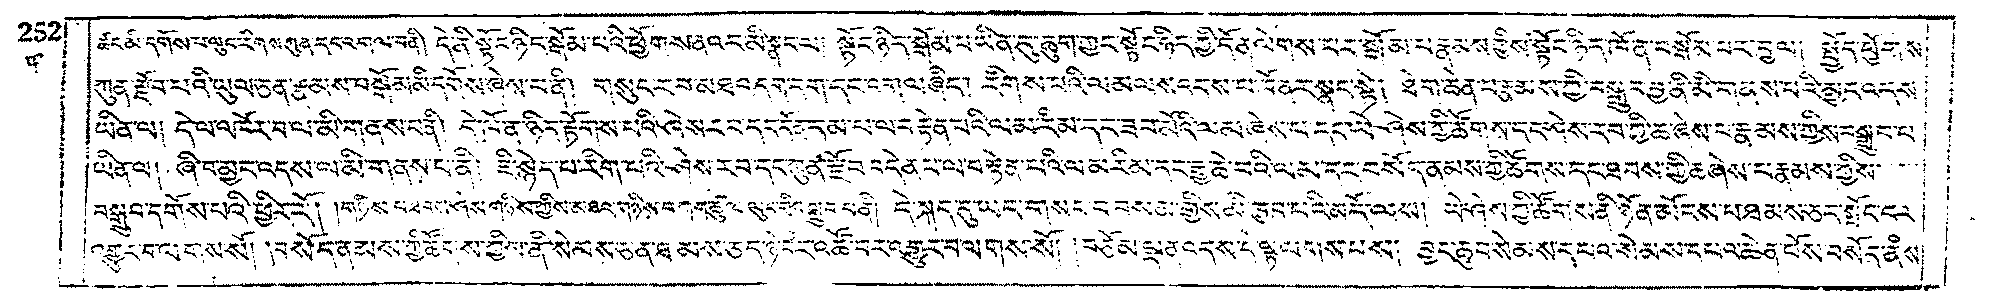ཚང་མི་དགོས་པ་ལུང་རིགས་ཀུན་དང་འགལ་བ་ནི། དེ་ནི་སྟོང་ཉིད་སྒོམ་པའི་ཕྱོགས་ནའང་མི་སྣང་ལ། སྟོང་ཉིད་སྒོམ་པ་ཡིན་དུ་ཆུག་ཀྱང་སྟོང་ཉིད་ཀྱི་དོན་ལེགས་པར་སྒོམ་པ་རྣམས་ཀྱིས་སྟོང་ཉིད་ཁོ་ན་བསྒོམ་པར་བྱ་ལ། སྤྱོད་ཕྱོགས་
ཀུན་རྫོབ་པའི་ཡུལ་ཅན་རྣམས་བསྒོམ་མི་དགོས་ཞེས་པ་ནི། གསུང་རབ་མཐའ་དག་དག་དང་འགལ་ཞིང་། རིགས་པའི་ལམ་ལས་འདས་པ་ཁོ་ནར་སྣང་སྟེ། ཐེག་ཆེན་པ་རྣམས་ཀྱི་བསྒྲུབ་བྱ་ནི་མི་གནས་པའི་མྱང་འདས་
ཡིན་ལ། དེ་ལ་འཁོར་བ་ལ་མི་གནས་པ་ནི། དེ་ཁོ་ན་ཉིད་རྟོགས་པའི་ཤེས་རབ་དང་དོན་དམ་པ་ལ་བརྟེན་པའི་ལམ་རིམ་དང་ཟབ་མོའི་ལམ་ཞེས་པ་དང་ཡེ་ཤེས་ཀྱི་ཚོགས་དང་ཤེས་རབ་ཀྱི་ཆ་ཞེས་པ་རྣམས་ཀྱིས་བསྒྲུབ་པ་
ཡིན་ལ། ཞི་བ་མྱང་འདས་ལ་མི་གནས་པ་ནི། ཇི་སྙེད་པ་རིག་པའི་ཤེས་རབ་དང་ཀུན་རྫོབ་བདེན་པ་ལ་བརྟེན་པའི་ལམ་རིམ་དང་རྒྱ་ཆེ་བའི་ལམ་དང་བསོད་ནམས་ཀྱི་ཚོགས་དང་ཐབས་ཀྱི་ཆ་ཞེས་པ་རྣམས་ཀྱིས་
བསྒྲུབ་དགོས་པའི་ཕྱིར་རོ། །གཉིས་པ་ཐབས་ཤེས་གཉིས་ཀྱིས་མཐའ་གཉིས་བཀག་ཚུལ་ལུང་གིས་སྒྲུབ་པ་ནི།  དེ་སྐད་དུ་ཡང་གསང་བ་བསམ་གྱིས་མི་ཁྱབ་པའི་མདོ་ལས། ཡེ་ཤེས་ཀྱི་ཚོགས་ནི་ཉོན་མོངས་པ་ཐམས་ཅད་སྤོང་བར་
འགྱུར་བ་ལགས་སོ། །བསོད་ནམས་ཀྱི་ཚོགས་ཀྱིས་ནི་སེམས་ཅན་ཐམས་ཅད་ཉེ་བར་འཚོ་བར་འགྱུར་བ་ལགས་སོ། །བཅོམ་ལྡན་འདས་དེ་ལྟ་ལགས་པས། བྱང་ཆུབ་སེམས་དཔའ་སེམས་དཔའ་ཆེན་པོས་བསོད་ནཾས་